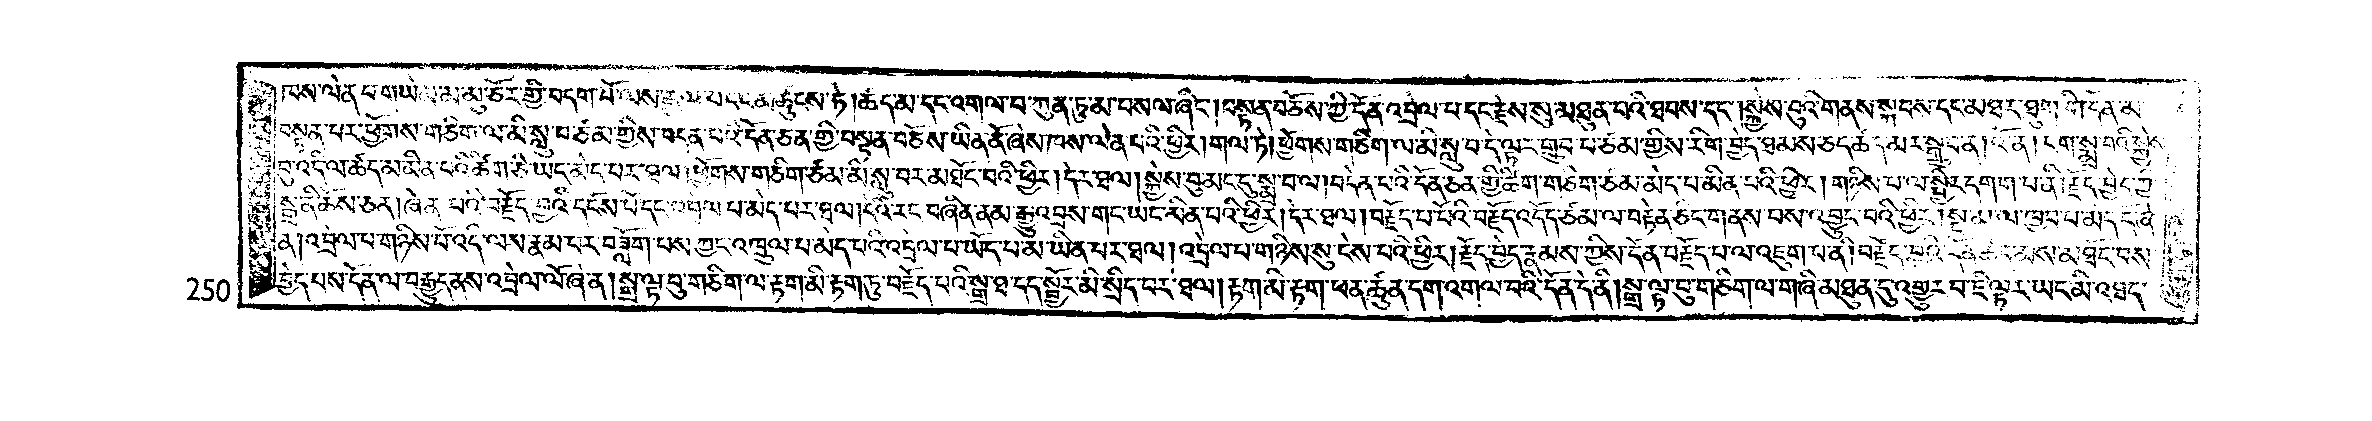ཁས་ལེན་པ་གཡེ་མ་མ་མུ་ཙོར་གྱི་བདག་པོ་ལས་རྒྱལ་པོ་དང་མཚུངས་ཏེ། ཚད་མ་དང་འགལ་བ་ཀུན་ཏུ་མ་བསལ་ཞིང་། བསྟན་བཅོས་ཀྱི་དོན་འབྲེལ་པ་དང་རྗེས་སུ་མཐུན་པའི་ཐབས་དང་། སྐྱེས་བུའི་གནས་སྐབས་དང་མཐར་ཐུག་གི་དོན་མ་
བསྟན་པར་ཕྱོགས་གཅིག་ལ་མི་སླུ་བ་ཙམ་གྱིས་བདེན་པའི་དོན་ཅན་གྱི་བསྟན་བཅོས་ཡིན་ནོ་ཞེས་ཁས་ལེན་པའི་ཕྱིར། གལ་ཏེ། ཕྱོགས་གཅིག་ལ་མི་སླུ་བ་དེ་ལྟར་གྲུབ་པ་ཙམ་གྱིས་རིག་བྱེད་ཐམས་ཅད་ཚད་མར་སྒྲུབ་ན། འོ་ན། ངག་སྨྲ་བའི་སྐྱེས་
བུ་འདི་ལ་ཚད་མ་མིན་པའི་ཚིག་ཅི་ཡང་མེད་པར་ཐལ། ཕྱོགས་གཅིག་ཙམ་མི་སླུ་བར་མཐོང་བའི་ཕྱིར། དེར་ཐལ། སྐྱེས་བུ་མང་དུ་སྨྲ་བ་ལ། བདེན་པའི་དོན་ཅན་གྱི་ཚིག་གཅིག་ཙམ་མེད་པ་མིན་པའི་ཕྱིར། གཉིས་པ་ལ་སྤྱིར་དགག་པ་ནི། རྗོད་བྱེད་ཀྱི་
སྒྲ་ནི་ཆོས་ཅན། ཞེན་པའི་བརྗོད་བྱའི་དངོས་པོ་དང་འབྲེལ་པ་མེད་པར་ཐལ། དེའི་རང་བཞིན་ནམ་རྒྱུ་འབྲས་གང་ཡང་མིན་པའི་ཕྱིར། དེར་ཐལ། བརྗོད་པ་པོའི་བརྗོད་འདོད་ཙམ་ལ་བརྟེན་ཅིང་གནས་པས་འབྱུང་བའི་ཕྱིར། སྔ་མ་ལ་ཁྱབ་པ་མེད་དོ་ཞེ་
ན། འབྲེལ་པ་གཉིས་པོ་འདི་ལས་རྣམ་པར་བཟློག་པས་ཀྱང་འཁྲུལ་པ་མེད་པའི་འབྲེལ་པ་ཡོད་པ་མ་ཡིན་པར་ཐལ། འབྲེལ་པ་གཉིས་སུ་ངེས་པའི་ཕྱིར། རྗོད་བྱེད་རྣམས་ཀྱིས་དོན་བརྗོད་པ་ལ་འཇུག་པ་ནི། བརྗོད་བྱའི་དོན་ཚད་མས་མཐོང་བས་
བྱེད་པས་དོན་ལ་བརྒྱུད་ནས་འབྲེལ་ལོ་ཞེ་ན། སྒྲ་ལྟ་བུ་གཅིག་ལ་རྟག་མི་རྟག་ཏུ་བརྗོད་པའི་སྒྲ་ཐ་དད་སྦྱོར་མི་སྲིད་པར་ཐལ། རྟག་མི་རྟག་ཕན་ཚུན་དག་འགལ་བའི་དོན་དེ་ནི། སྒྲ་ལྟ་བུ་གཅིག་ལ་གཞི་མཐུན་དུ་འགྱུར་བ་ཇི་ལྟར་ཡང་མི་འཐད་